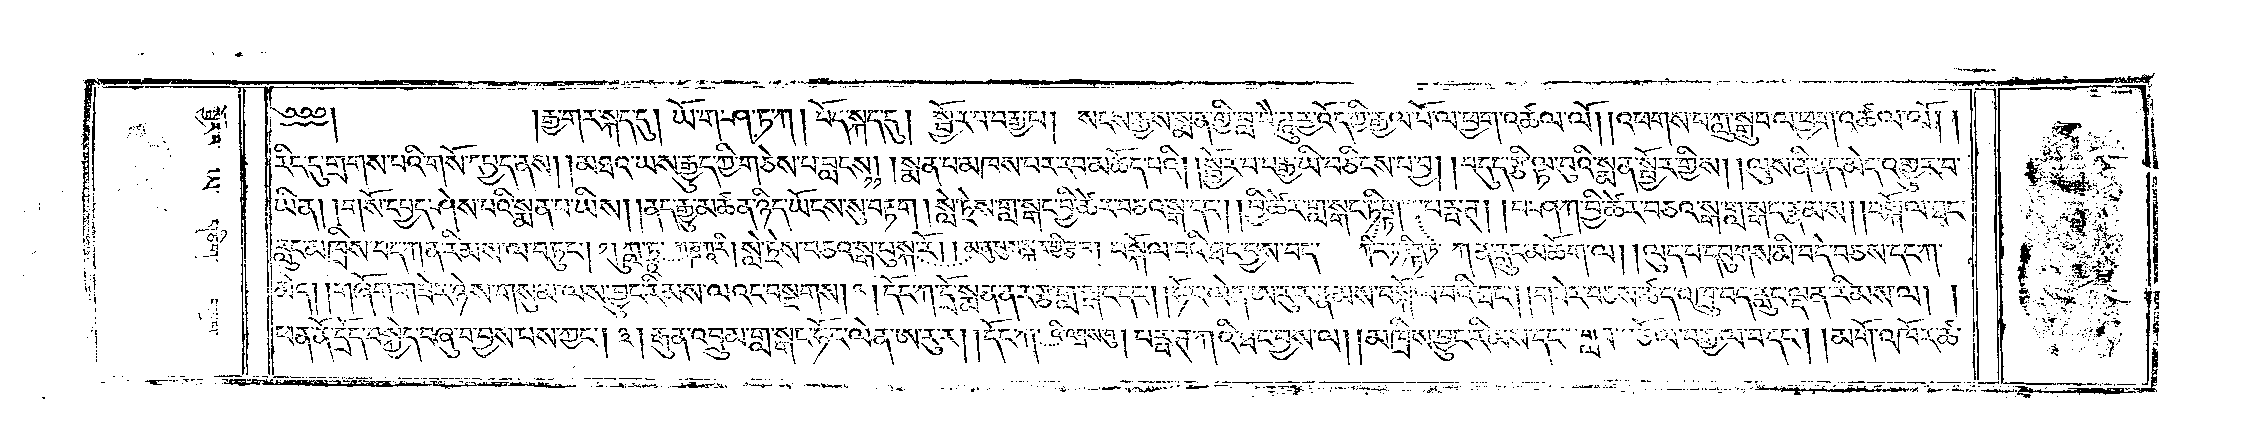༄༅༅། །རྒྱ་གར་སྐད་དུ། ཡོ་ག་ཤ་ཏ་ཀ། བོད་སྐད་དུ། སྦྱོར་བ་བརྒྱ་པ། སངས་རྒྱས་སྨན་གྱི་བླ་བཻ་ཌཱུརྱ་འོད་ཀྱི་རྒྱལ་པོ་ལ་ཕྱག་འཚལ་ལོ། །འཕགས་པ་ཀླུ་སྒྲུབ་ལ་ཕྱག་འཚལ་ལོ།།
རིང་དུ་གྲགས་པའི་གསོ་དཔྱད་ནས། །མཐའ་ཡས་རྒྱུད་ཀྱི་གཅེས་པ་བླངས། ༡༡་།སྨན་པ་མཁས་པར་རབ་མཆོད་པའི། །སྦྱོར་བ་པ་རྒྱ་ཡི་བཅིངས་པ་བྱ། །བདུད་རྩི་ལྟ་བུའི་སྨན་སྦྱོར་གྱིས། །ལུས་ནི་ནད་མེད་འགྱུར་བ་
ཡིན། །གསོ་དཔྱད་ཤེས་པའི་སྨན་པ་ཡིས། །ནད་རྒྱུ་མཚན་ཉིད་ཡོངས་སུ་བརྟག །སླེ་ཏྲེས་གླ་སྒང་བྱི་ཚེར་བཅའ་སྒ་དང་། །བྱི་ཚེར་གླ་སྒང་ཏིགཏ་པརྤ་ཊ། །པ་ཤཀ་བྱི་ཚེར་བཅའ་སྒ་གླ་སྒང་རྣམས། །བསྐོལ་ཐང་
རླུང་མཁྲིས་བད་ཀན་རིམས་ལ་བཏུང་། ༡་།ཀྵུ་ཏྲཱ་ཀཎྜ་ཀཱ་རི། སླེ་ཏྲེས་བཅའ་སྒ་པུསྐ་རོ། །མ་ནུ་པུས་སྐར་གྱི་རྩ་བ། བསྐོལ་བའི་ཐང་བྱས་བད་ཀིར་ཏ་ཏིགཏ་ཏ་ཀན་རླུང་མཆོག་ལ། །ལུད་པ་དབུགས་མི་བདེ་བཅས་དང་ཀ་
མེད། །གཞོག་གཟེར་ཉེས་གསུམ་ལས་བྱུང་རིམས་ལའང་བསྔགས། ༢་།དོང་ཀ་དྲོ་སྨན་ནར་རྩ་གླ་སྒང་དང་། །ཧོ་ང་ལེན་ཨ་རུ་ར་རྣམས་བསྐོལ་བའི་ཐང་། །གཟེར་བཅས་ཚད་འཁྲུ་བད་རླུང་ལྡན་རིམས་ལ། །
ཕན་ནོ་དྲོད་བསྐྱེད་བཞུ་བ་བྱས་པས་ཀྱང་། ༣་།རྒུན་འབྲུམ་གླ་སྒང་ཧོང་ལེན་ཨ་རུ་ར། །དོང་ཀ་འི་འབྲས་བུ། པརྤ་ཊ་ཀའི་ཐང་བྱས་ལ། །མཁྲིས་བྱུང་རིམས་དང་གླབ་ཅོལ་བརྒྱལ་བ་དང་། །མགོ་འཁོར་ཚ་